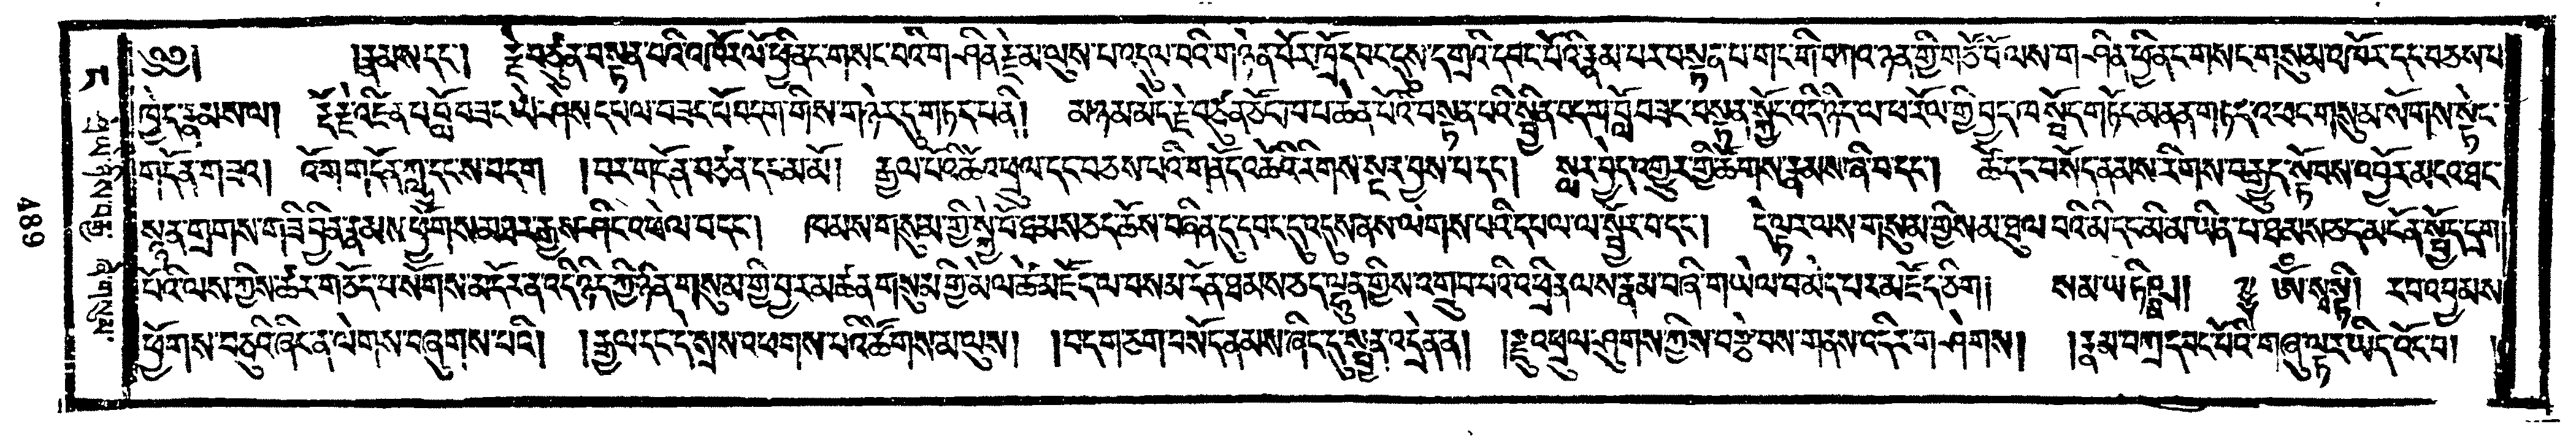༄༅། །རྣམས་དང་། རྗེ་བཙུན་བསྟན་པའི་འཁྲོ་ལོ་ཕྱི་ནང་གསང་བའི་གཤིན་རྗེ་མ་ལུས་པ་འདུལ་བའི་གཉེན་པོ་ཁྲོད་དབང་དུས་དགྲའི་དབང་པོའི་རྣམ་པར་བསྟན་པ་གང་གིས་བཀའ་ཉན་གྱི་གཙོ་བོ་ལས་གཤིན་ཕྱི་ནང་གསང་གསུམ་འཁོར་དང་བཅས་པ་
ཁྱེད་རྣམས་ལ། །རྡོ་རྗེ་འཛིན་པ་བློ་བཟང་ཡེ་ཤེས་དཔལ་བཟང་པོ་བདག་གིས་གཉེར་དུ་གཏད་པ་ནི། །མཉམ་མེད་རྗེ་བཙུན་ཙོང་ཁ་པ་ཆེན་པོའི་བསྟན་པའི་སྦྱིན་བདག་བློ་བཟང་བསྟན་སྐྱོང་བའི་འདི་ཉིད་ལ་ཕ་རོལ་གྱི་བྱང་ཁ་སྦོད་གཏོང་མནན་གཏད་འཕང་གསུམ་སོགས་སྟེང་
གདོན་གཟའ། འོག་གདོན་ཀླུ་དང་ས་བདག །བར་གདོན་བཙན་དང་མ་མོ། །རྒྱལ་པོའི་ཆོ་འཕྲུལ་དང་བཅས་པའི་གནོད་འཚེའི་རིགས་སྔར་བྱས་པ་དང་། །སླར་བྱེད་འགྱུར་གྱི་ཚོགས་རྣམས་ཞི་བ་དང་། །ཚེ་དང་བསོད་ནམས་རིགས་བརྒྱུད་སྟོབས་འབྱོར་མངའ་ཐང་
སྙན་གྲགས་གཟི་བྱིན་རྣམས་ཕྱོགས་མཐར་རྒྱས་ཤིང་འཕེལ་བ་དང་། །ཁམས་གསུམ་གྱི་སྐྱེ་བོ་ཐམས་ཅད་ཆོས་བཞིན་དུ་དབང་དུ་འདུས་ནས་ལེགས་པའི་དཔལ་ལ་སྦྱོར་བ་དག། །དེ་ལྟར་ལས་གསུམ་གྱིས་མ་ཐུལ་བའི་མི་དང་མི་མ་ཡིན་པ་ཐམས་ཅད་མངོན་སྦྱོད་དྲག་
པོའི་ལས་ཀྱིས་ཚར་གཅོད་པ་སོགས་མདོར་ན་འདི་ཉིད་ཀྱི་ཉིན་གསུམ་གྱི་བྱ་ར་མཚན་གསུམ་གྱི་མེལ་ཚེ་མཛོད་ལ་བསམ་དོན་ཐམས་ཅད་ལྷུན་གྱིས་འགྲུབ་པའི་འཕྲིན་ལས་རྣམ་བཞི་གཡེལ་བ་མེད་པར་མཛོད་ཅིང་། སམ་ཡ་ཏིཥཊཿཨ།། ༈ ཨོཾ་སྭསྟི། རབ་འབྱམས་
ཕྱོགས་བཅུའི་ཞིང་ན་ལེགས་བཞུགས་པའི། །རྒྱལ་དང་དེ་སྲས་འཕགས་པའི་ཚོགས་མ་ལུས། །བདག་ཅག་བསོད་ནམས་ཞིང་དུ་སྦྱན་འདྲེན་ན། །རྫུ་འཕྲུལ་ཤུགས་ཀྱིས་བརྩེབས་གནས་འདིར་གཤེགས། །རྣམ་བཀྲ་དབང་པོའི་གཞུ་ལྟར་ཡིད་འོང་བ། །